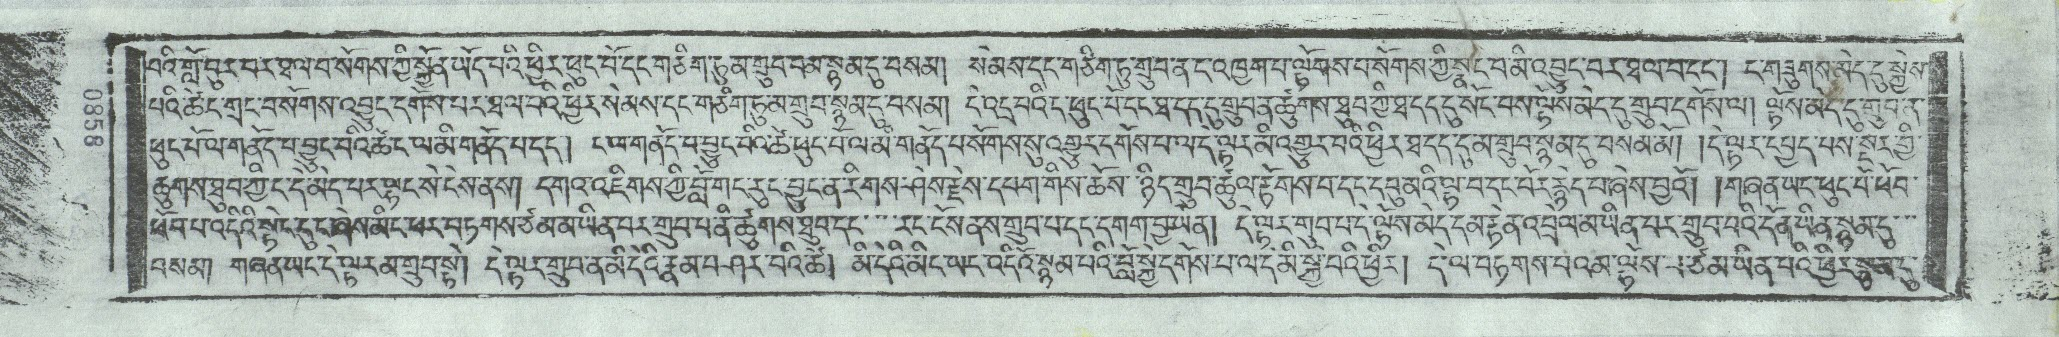པའི་གློ་བུར་བར་ཐལ་བ་སོགས་ཀྱི་སྐྱོན་ཡོད་པའི་ཕྱིར་ཕུང་པོ་དང་གཅིག་ཏུ་མ་གྲུབ་བམ་སྙམ་དུ་བསམ། སེམས་དང་གཅིག་ཏུ་གྲུབ་ན་ང་འཁྱག་པ་ལྟོགས་པ་སོགས་ཀྱི་སྣང་བ་མི་འབྱུང་བར་ཐལ་བ་དང་། ང་གཟུགས་མེད་དུ་སྐྱེས་
པའི་ཚེ་ང་གྲང་བ་སོགས་འབྱུང་དགོས་པར་ཐལ་བའི་ཕྱིར་སེམས་དང་གཅིག་ཏུ་མ་གྲུབ་སྙམ་དུ་བསམ། དེ་འདྲ་བའི་ང་ཕུང་པོ་དང་ཐ་དད་དུ་གྲུབ་ན་ཚུགས་ཐུབ་ཀྱི་ཐ་དད་དུ་སོང་བས་ལྟོས་མེད་དུ་གྲུབ་དགོས་ལ། ལྟོས་མེད་དུ་གྲུབ་ན་
ཕུང་པོ་ལ་གནོད་པ་བྱུང་བའི་ཚེ་ང་ལ་མི་གནོད་པ་དང་། ང་ལ་གནོད་པ་བྱུང་བའི་ཚེ་ཕུང་པོ་ལ་མི་གནོད་པ་སོགས་སུ་འགྱུར་དགོས་པ་ལ་དེ་ལྟར་མི་འགྱུར་བའི་ཕྱིར་ཐ་དད་དུ་མ་གྲུབ་སྙམ་དུ་བསམ་མོ། །དེ་ལྟར་དཔྱད་པས་སྔར་གྱི་
ཚུགས་ཐུབ་ཀྱི་ང་དེ་མེད་པར་ལྷང་སེ་ངེས་ནས། དགའ་འཇིགས་ཀྱི་བློ་གང་རུང་བྱུང་ན་རིགས་ཤེས་རྗེས་དཔག་གིས་ཆོས་ཉིད་གྲུབ་ཚུལ་རྟོགས་པ་དང་དབུ་མའི་ལྟ་བ་དང་པོར་རྙེད་པ་ཞེས་བྱའོ། །གཞན་ཡང་ཕུང་པོ་ཕོབ་
ཕོབ་པ་འདིའི་སྟེང་དུ་ང་ཞེས་མིང་ཕར་བཏགས་ཙམ་མ་ཡིན་པར་གྲུབ་པ་ནི་ཚུགས་ཐུབ་དང་རང་ངོས་ནས་གྲུབ་པ་དང་དགག་བྱ་ཡིན། དེ་ལྟར་གྲུབ་པ་དེ་ལྟོས་མེད་དམ་རྟེན་འབྲེལ་མ་ཡིན་པར་གྲུབ་པའི་དོན་ཡིན་སྙམ་དུ་
བསམ། གཞན་ཡང་དེ་ལྟར་མ་གྲུབ་སྟེ། དེ་ལྟར་གྲུབ་ན་མི་དེའི་རྣམ་པ་ཤར་བའི་ཚེ། མི་དེའི་མིང་ཡང་འདིའོ་སྙམ་པའི་བློ་སྐྱེ་དགོས་པ་ལ་དེ་མི་སྐྱེ་བའི་ཕྱིར། དེ་ལ་བཏགས་པའམ་ལྟོས་།ཙམ་ཡིན་པའི་ཕྱིར་སྙམ་དུ་